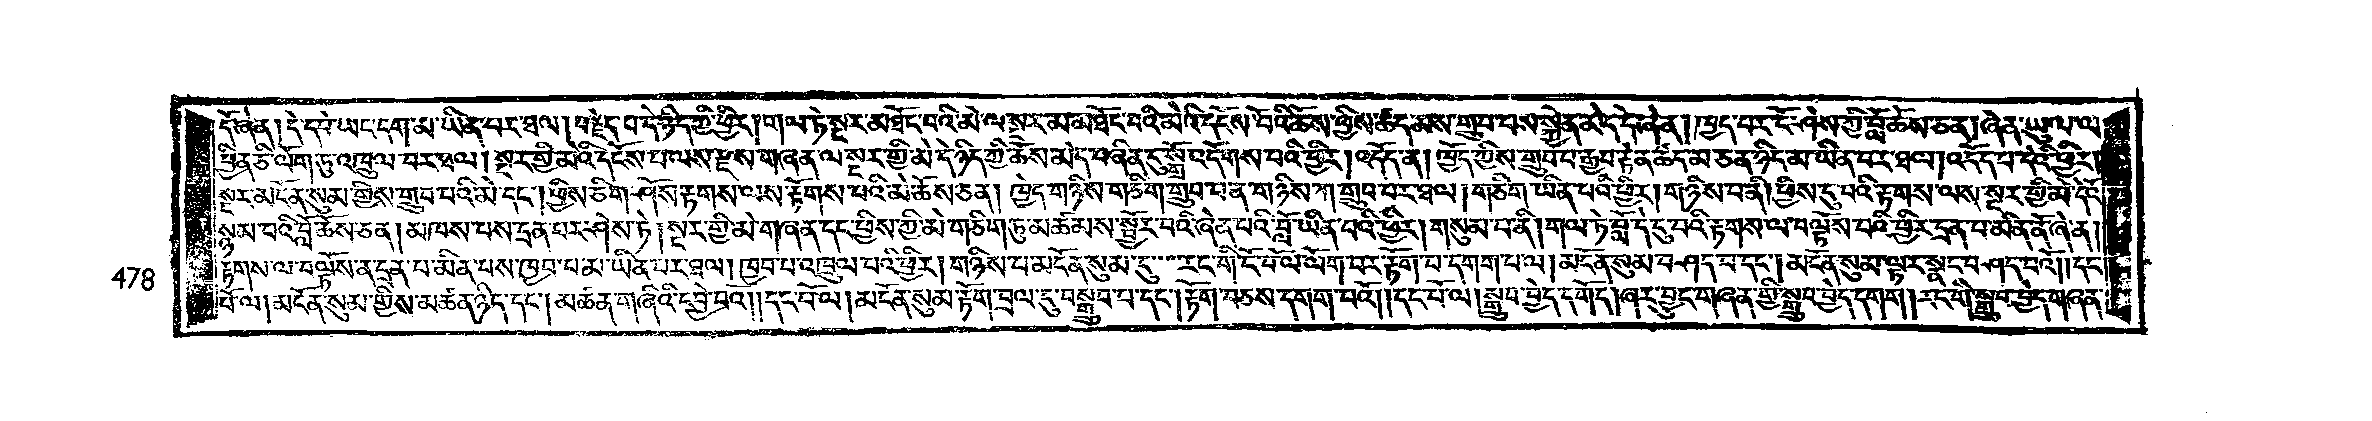དོ་ཞེན། དེ་དཔེ་ཡང་དག་མ་ཡིན་པར་ཐལ། བརྗོད་པ་དེ་ཉིད་ཀྱི་ཕྱིར། གལ་ཏེ་སྔར་མཐོང་བའི་མེ་ལ་སྔར་མ་མཐོང་བའི་མེའི་དངོས་པོའི་ཆོས་ཕྱིས་ཚད་མས་གྲུབ་པས་སྐྱེན་མེད་དེ་ཞེ་ན། ཁྱད་པར་ངོ་ཤེས་ཀྱི་བློ་ཆོས་ཅན། ཞེན་ཡུལ་ལ་
ཕྱིན་ཅི་ལོག་ཏུ་འཁྲུལ་བར་ཐལ། སྔར་གྱི་མེའི་དངོས་པ་ལས་རྫས་གཞན་ལ་སྔར་གྱི་མེ་དེ་ཉིད་ཀྱི་ཆོས་མེད་བཞིན་དུ་སྒྲོ་འདོགས་པའི་ཕྱིར། འདོད་ན། ཁྱོད་ཀྱིས་གྲུབ་པ་རྒྱབ་རྟེན་ཚད་མ་ཅན་ཉིད་མ་ཡིན་པར་ཐལ། འདོད་པ་དེའི་ཕྱིར།
སྔར་མངོན་སུམ་གྱིས་གྲུབ་པའི་མེ་དང་། ཕྱིས་ཅིག་ཤོས་རྟགས་ལས་རྟོགས་པའི་མེ་ཆོས་ཅན། ཁྱེད་གཉིས་གཅིག་གྲུབ་པ་ན་གཉིས་ཀ་གྲུབ་པར་ཐལ། གཅིག་ཡིན་པའི་ཕྱིར། གཉིས་པ་ནི། ཕྱིས་དུ་བའི་རྟགས་ལས་སྔར་གྱི་མེ་དེའོ་
སྙམ་པའི་བློ་ཆོས་ཅན། མཁས་པས་དྲན་པར་ཤེས་ཏེ། སྔར་གྱི་མེ་གཞན་དང་ཕྱིས་ཀྱི་མེ་གཅིག་ཏུ་མཚམས་སྦྱོར་བའི་ཞེན་པའི་བློ་ཡིན་པའི་ཕྱིར། གསུམ་པ་ནི། གལ་ཏེ་བློ་དེ་དུ་བའི་རྟགས་ལ་བལྟོས་པའི་ཕྱིར་དྲན་པ་མིན་ནོ་ཞེ་ན།
རྟགས་ལ་བལྟོས་ན་དྲན་པ་མིན་པས་ཁྱབ་པ་མ་ཡིན་པར་ཐལ། ཁྱབ་པ་འཁྲུལ་པའི་ཕྱིར། གཉིས་པ་མངོན་སུམ་དུ་རང་གི་ངོ་བོ་ལ་ལོག་པར་རྟོག་པ་དགག་པ་ལ། མངོན་སུམ་བཤད་པ་དང་། མངོན་སུམ་ལྟར་སྣང་བཤད་པའོ། །དང་
པོ་ལ། མངོན་སུམ་གྱིས་མཚན་ཉིད་དང་། མཚན་གཞིའི་དབྱེ་པའོ། །དང་པོ་ལ། མངོན་སུམ་རྟོག་བྲལ་དུ་བསྒྲུབ་པ་དང་། རྟོག་བཅས་དགག་པའོ། །དང་པོ་ལ། སྒྲུབ་བྱེད་དགོད། ཞར་བྱུང་གཞན་གྱི་སྒྲུབ་བྱེད་དགག། རང་གི་སྒྲུབ་བྱེད་གཞན་